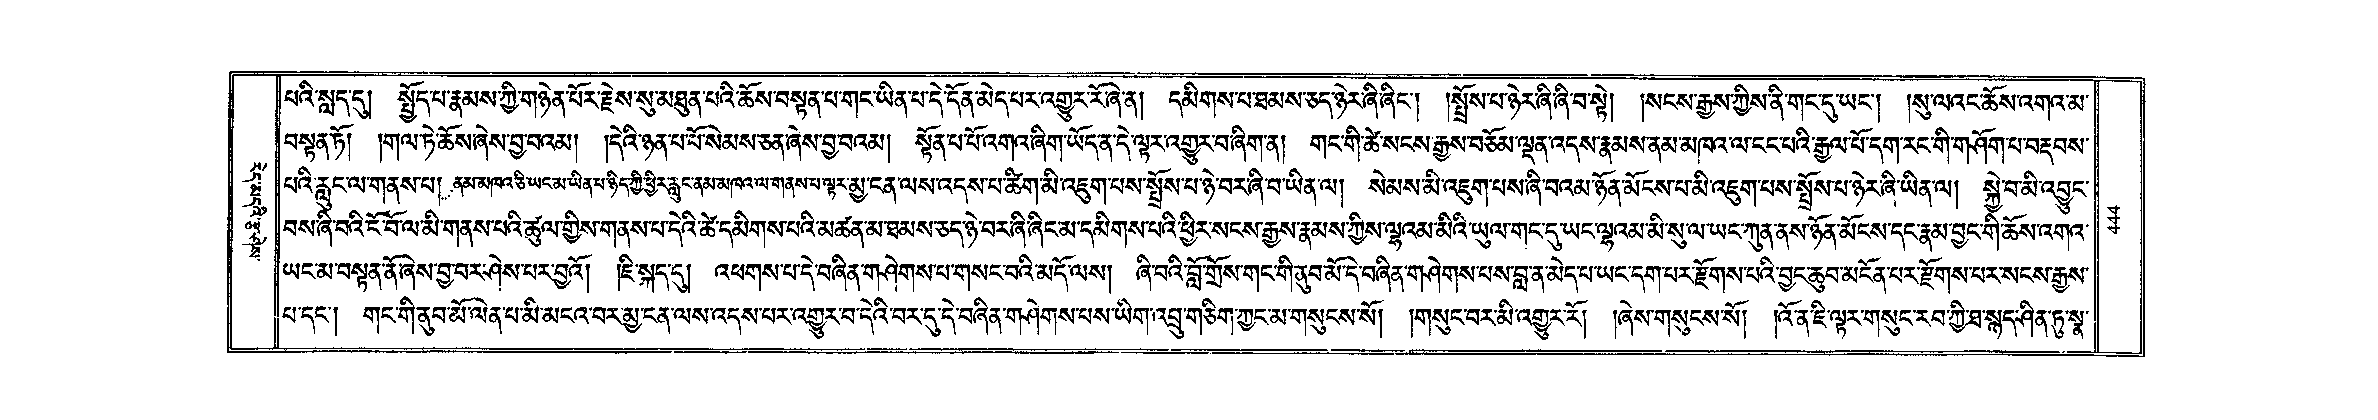པའི་སླད་དུ། སྤྱོད་པ་རྣམས་ཀྱི་གཉེན་པོར་རྗེས་སུ་མཐུན་པའི་ཆོས་བསྟན་པ་གང་ཡིན་པ་དེ་དོན་མེད་པར་འགྱུར་རོ་ཞེ་ན། དམིགས་པ་ཐམས་ཅད་ཉེར་ཞི་ཞིང་། །སྤྲོས་པ་ཉེར་ཞི་ཞི་བ་སྟེ། །སངས་རྒྱས་ཀྱིས་ནི་གང་དུ་ཡང་། །སུ་ལའང་ཆོས་འགའ་མ་
བསྟན་ཏོ། །གལ་ཏེ་ཆོས་ཞེས་བྱ་བའམ། །དེའི་ཉན་པ་པོ་སེམས་ཅན་ཞེས་བྱ་བའམ། སྟོན་པ་པོ་འགའ་ཞིག་ཡོད་ན་དེ་ལྟར་འགྱུར་བ་ཞིག་ན། གང་གི་ཚེ་སངས་རྒྱས་བཅོམ་ལྡན་འདས་རྣམས་ནམ་མཁའ་ལ་ངང་པའི་རྒྱལ་པོ་དག་རང་གི་གཤོག་པ་བརྡབས་
པའི་རླུང་ལ་གནས་པ། ནམ་མཁའ་ཅི་ཡང་མ་ཡིན་པ་ཉིད་ཀྱི་ཕྱིར་རླུང་ནམ་མཁའ་ལ་གནས་པ་ལྟར་མྱ་ངན་ལས་འདས་པ་ཚིག་མི་འཇུག་པས་སྤྲོས་པ་ཉེ་བར་ཞི་བ་ཡིན་ལ། སེམས་མི་འཇུག་པས་ཞི་བའམ་ཉོན་མོངས་པ་མི་འཇུག་པས་སྤྲོས་པ་ཉེར་ཞི་ཡིན་ལ། སྐྱེ་བ་མི་འབྱུང་
བས་ཞི་བའི་ངོ་བོ་ལ་མི་གནས་པའི་ཚུལ་གྱིས་གནས་པ་དེའི་ཚེ་དམིགས་པའི་མཚན་མ་ཐམས་ཅད་ཉེ་བར་ཞི་ཞིང་མ་དམིགས་པའི་ཕྱིར་སངས་རྒྱས་རྣམས་ཀྱིས་ལྷའམ་མིའི་ཡུལ་གང་དུ་ཡང་ལྷའམ་མི་སུ་ལ་ཡང་ཀུན་ནས་ཉོན་མོངས་དང་རྣམ་བྱང་གི་ཆོས་འགའ་
ཡང་མ་བསྟན་ནོ་ཞེས་བྱ་བར་ཤེས་པར་བྱའོ། །ཇི་སྐད་དུ། འཕགས་པ་དེ་བཞིན་གཤེགས་པ་གསང་བའི་མདོ་ལས། ཞི་བའི་བློ་གྲོས་གང་གི་ནུབ་མོ་དེ་བཞིན་གཤེགས་པས་བླ་ན་མེད་པ་ཡང་དག་པར་རྫོགས་པའི་བྱང་ཆུབ་མངོན་པར་རྫོགས་པར་སངས་རྒྱས་
པ་དང་། གང་གི་ནུབ་མོ་ལེན་པ་མི་མངའ་བར་མྱ་ངན་ལས་འདས་པར་འགྱུར་བ་དེའི་བར་དུ་དེ་བཞིན་གཤེགས་པས་ཡིག་འབྲུ་གཅིག་ཀྱང་མ་གསུངས་སོ། །གསུང་བར་མི་འགྱུར་རོ། །ཞེས་གསུངས་སོ། །འོ་ན་ཇི་ལྟར་གསུང་རབ་ཀྱི་ཐ་སྙད་ཤིན་ཏུ་སྣ་